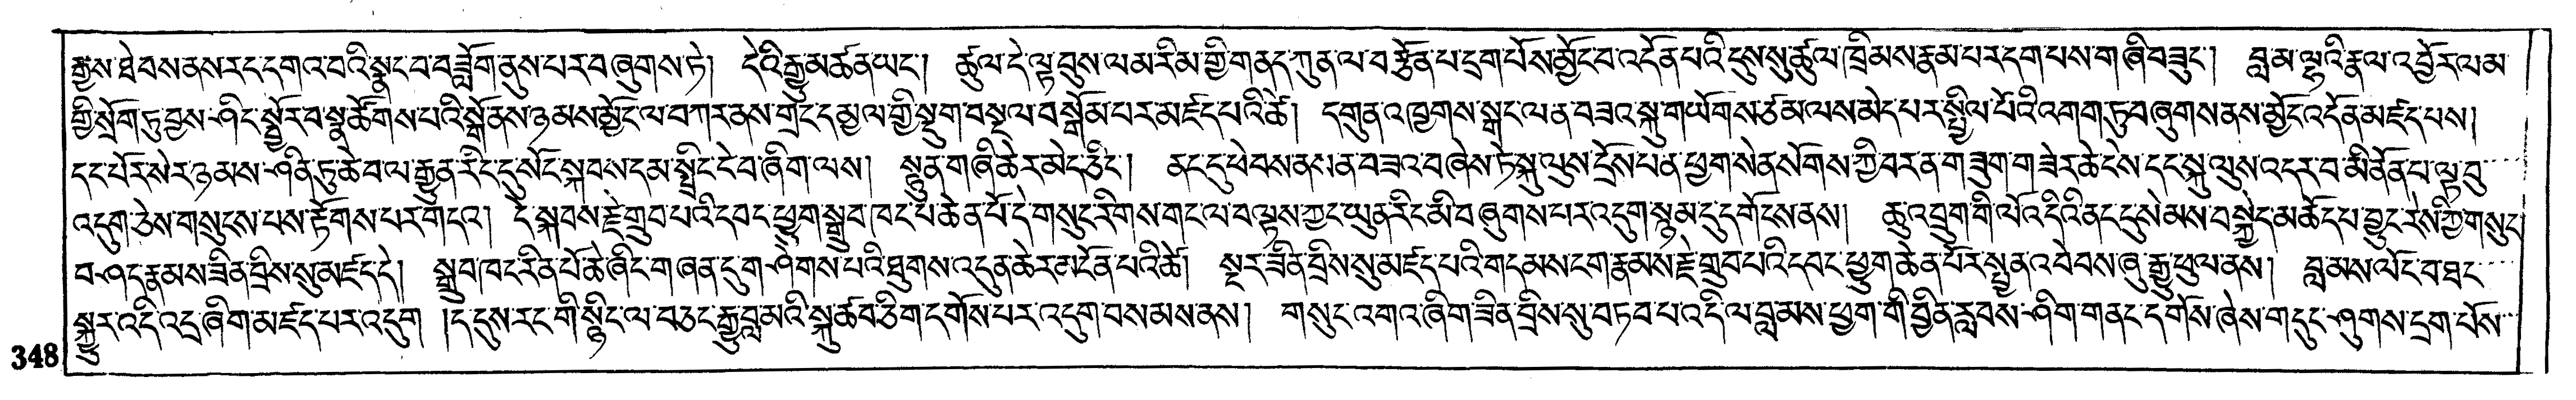རྒྱས་ཐེབས་ནས་རང་དགའ་བའི་སྣང་བ་བཟློག་ནུས་པར་བཞུགས་ཏེ། དེའི་རྒྱུ་མཚན་ཡང་། ཚུལ་དེ་ལྟ་བུས་ལམ་རིམ་གྱི་གནད་ཀུན་ལ་བརྩོན་པ་དྲག་པོས་མྱོང་བ་འདོན་པའི་དུས་སུ་ཚུལ་ཁྲིམས་རྣམ་པར་དག་པས་གཞི་བཟུང་། བླ་མ་ལྷའི་རྣལ་འབྱོར་ལམ་
གྱི་སྲོག་ཏུ་བྱས་ཤིང་སྦྱོར་བ་སྣ་ཚོགས་པའི་སྒོ་ནས་ཉམས་མྱོང་ལ་བཀར་ནས་གྲང་དམྱལ་གྱི་སྡུག་བསྔལ་བསྒོམ་པར་མཛད་པའི་ཚོ། དགུན་འཁྱགས་སྒང་ལ་ན་བཟའ་སྐུ་གཡོགས་ཙམ་ལས་མེད་པར་སྤྱིལ་པོའི་འགག་ཏུ་བཞུགས་ནས་མྱོང་འདོན་མཛད་པས།
དང་པོར་སེར་ཉམས་ཤིན་ཏུ་ཆེ་བ་ལ་རྒྱུན་རིང་དུ་སོང་སྐབས་དམ་སྦྲིང་དེ་བ་ཞིག་ལས། སྙུན་གཞི་ཆེར་མེད་ཅིང་། ནང་དུ་ཕེབས་ནས་ན་བཟའ་བཞེས་ཏེ་སྐུ་ལུས་དྲོས་པ་ན་ཕྱག་སེན་སོགས་ཀྱི་བར་ན་གཟུགས་གཟེར་ཆེ་དེས་དང་སྐུ་ལུས་འདར་བ་མི་ནོན་པ་ལྟ་བུ་
འདུག་ཅེས་གསུངས་པས་རྟོགས་པར་གདའ། དེ་སྐབས་རྗེ་གྲུབ་པའི་དབང་ཕྱུག་སྒྲུབ་ཁང་པ་ཆེན་པོ་དེ་གསུང་རིགས་གང་ལ་བལྟས་ཀྱང་ཡུན་རིང་མི་བཞུགས་པར་འདུག་སྙམ་དུ་དགོངས་ནས། ཆུ་འབྲུག་གི་ལོ་འདིའི་ནང་དུ་སེམས་བསྐྱེད་མ་ཆོད་པ་བྱུང་རེས་ཀྱི་གསུང་
བཤད་རྣམས་ཟིན་བྲིས་སུ་མཛད་དེ། སྒྲུབ་ཁང་རིན་པོ་ཆེ་ཞིང་གཞན་དུ་གཤེགས་པའི་ཐུགས་འདུན་ཆེར་མངོན་པའི་ཚེ། སྔར་ཟིན་བྲིས་སུ་མཛད་པའི་གདམས་ངག་རྣམས་རྗེ་གྲུབ་པའི་དབང་ཕྱུག་ཆེན་པོར་སྤྱན་འབེབས་ཞུ་རྒྱུ་ཕུལ་ནས། བླ་མས་ལོང་བ་ཐང་
སྐྱུར་འདི་འདྲ་ཞིག་མཛད་པར་འདུག །དེ་དུས་རང་གི་སྙིང་ལ་བཅང་རྒྱུ་བླ་མའི་སྐུ་ཚབ་ཅིག་དགོས་པར་འདུག་བསམས་ནས། གསུང་འགའ་ཞིག་ཟིན་བྲིས་སུ་བཏབ་པ་འདི་ལ་བླ་མས་ཕྱག་གི་བྱིན་རླབས་ཤིག་གནང་དགོས་ཞེས་གདུང་ཤུགས་དྲག་པོས་